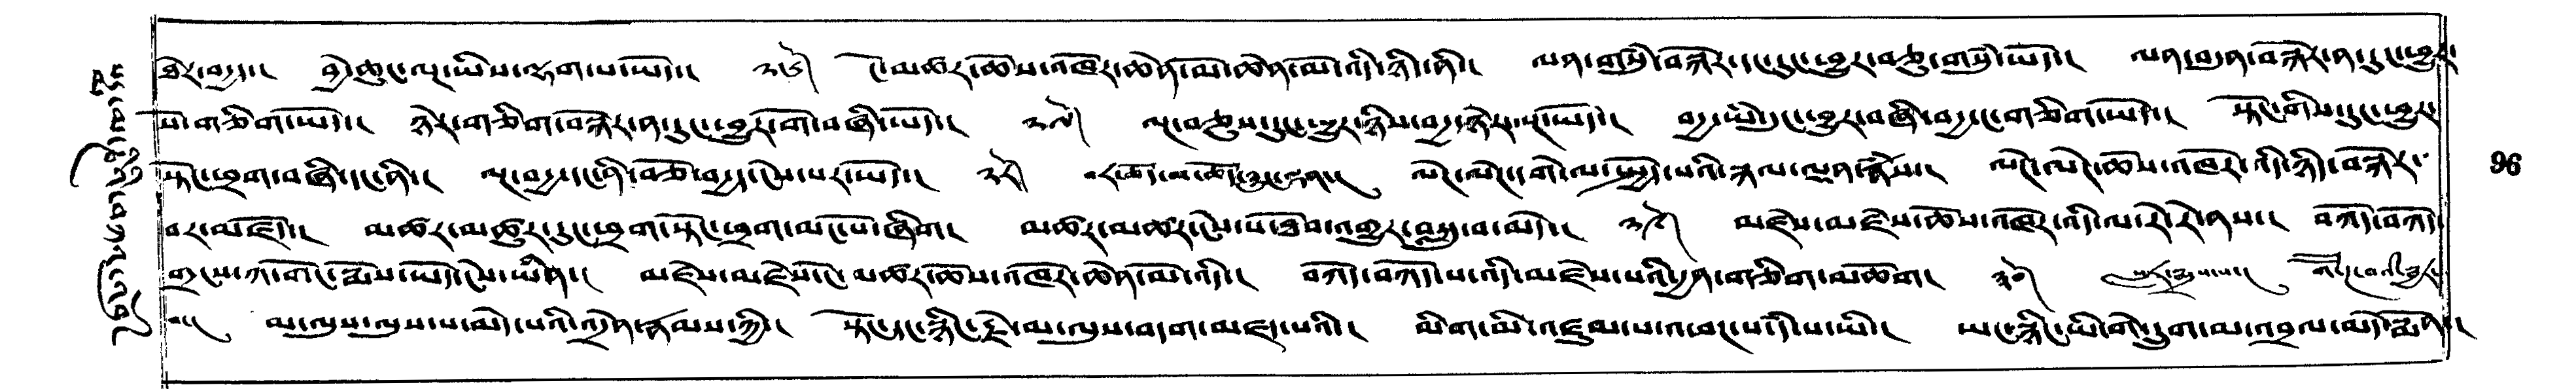ཐེར་བརྒྱད། །བྱེ་ཆུང་ལྔ་ཡིས་ལྷག་པ་ཡོད། ། ༢༦༽ ངོ་མཚར་ཆོས་འཁོར་ཆེན་མོ་འདི་ཉིད་ནི། །ལན་གསུམ་བསྐོར་ནང་དུང་ཕྱུར་བཅུ་གསུམ་ཡོད། །ལན་བདུན་བསྐོར་ན་དུང་ཕྱུར་
སོ་གཅིག་ཡོད། །ཉེར་གཅིག་བསྐོར་ན་དུང་ཕྱུར་གོ་བཞི་ཡོད། ། ༢༧༽ ལྔ་བཅུས་དུང་ཕྱུར་ཉིས་བརྒྱ་ཉེར་ལྔ་ཡོད། །བརྒྱ་ཡིས་དུང་ཕྱུར་བཞི་བརྒྱ་ང་གཅིག་ཡོད། །སྟོང་གིས་དུང་ཕྱུར་
སྟོང་ཕྲག་བཞི་དང་ནི། །ལྔ་བརྒྱ་དང་ནི་བཅོ་བརྒྱད་ངེས་པར་ཡོད། ། ༢༨༽ བར་ཆོད་མ་ཆོད་ཟུང་ལྡན། ལེགས་ལེགས་དགེ་ལ་སྤྱོད་པའི་སྐལ་ལྡན་རྣམས། །ལེགས་ལེགས་ཆོས་འཁོར་འདི་ཉིད་བསྐོར་
བར་མཛོད། །མཚར་མཚར་དུང་ཕྲག་སྟོང་ཕྲག་མང་པོ་ཞིག །མཚར་མཚར་ངེས་པ་འཐོབ་འགྱུར་བསླུ་བ་མེད། ༢༩༽ །མཛེས་མཛེས་ཆོས་འཁོར་འདི་ལ་རེ་རེ་ནས། །བཀོད་བཀོད་
གྲངས་ཀ་གོང་སྨོས་ཡོད་ངེས་ཡིན། །མཛེས་མཛེས་ངོ་མཚར་ཆོས་འཁོར་ཆེན་མོ་འདི། །བཀོད་བཀོད་པ་འདི་མཛེས་པའི་རྒྱན་གཅིག་མཆོག ། ༣༠༽ སླར་སྨྲས་པ། གཽ་ཌཱ་བའི་སྦྱར་
བ། མ་ལུས་ལུས་པ་མེད་པའི་འདྲེན་རྣམས་ཀྱི། །སྟོང་དང་སྙིང་རྗེ་མ་ལུས་བདག་མཛད་པའི། །མིག་མི་འཛུམ་པ་འཕགས་པ་དམ་པ་ཡི། །ཡང་སྙིང་ཡི་གེ་དྲུག་མ་འབྲལ་མེད་སྨོན། །